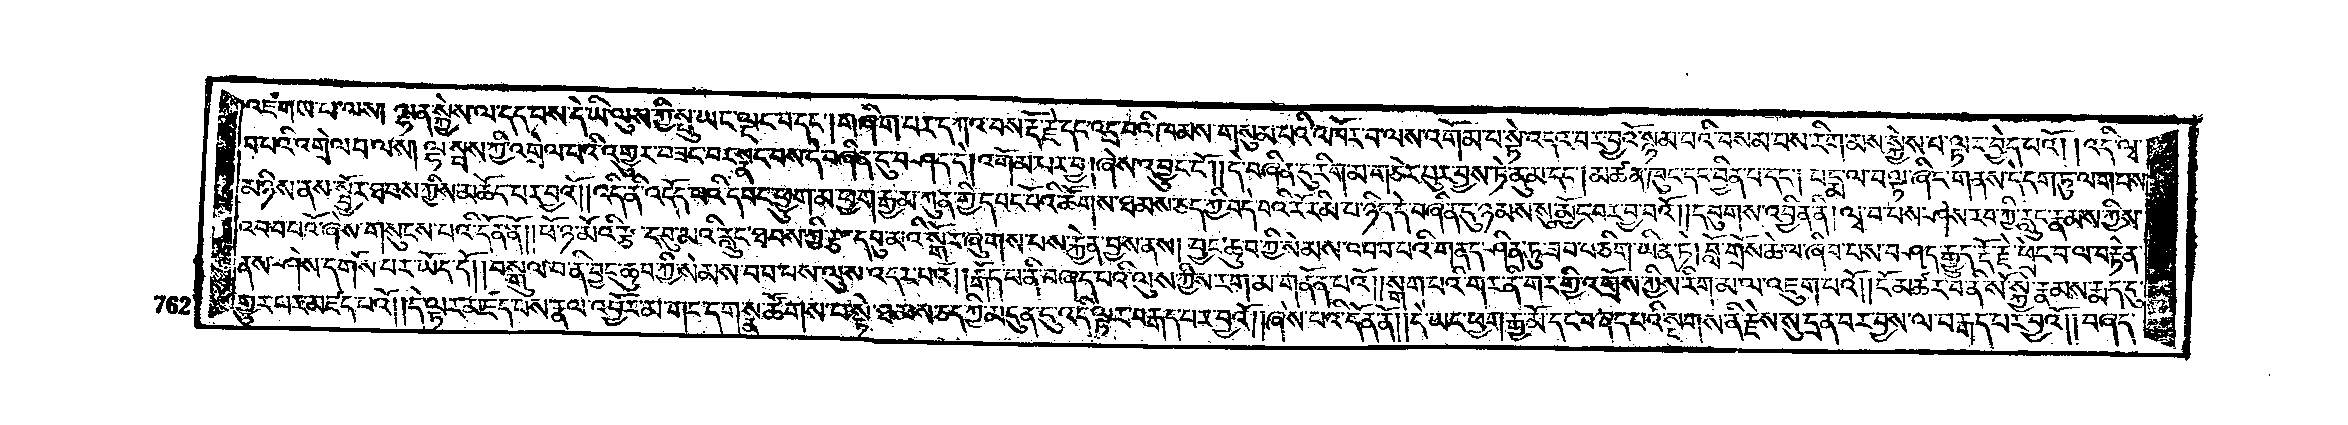འཛགས་པ་ལས། ལྷན་སྐྱེས་ལ་དད་པས་དེ་ཡི་ལུས་ཀྱི་སྤུ་ཡང་ལྡང་བ་དང་། གཞིག་པར་དཀའ་བས་རྡོ་རྗེ་དང་འདྲ་བའི་ཁམས་གསུམ་པའི་འཁོར་བ་ལས་འགོམ་པ་སྟེ་འདའ་བར་བྱའོ་སྙམ་པའི་བསམ་པས་རིག་མས་སྐྱེས་པ་ལྟར་བྱེད་པའོ། །འདི་ལྭ་
བ་པའི་འགྲེལ་པ་ལས། ལྷ་སྦས་ཀྱི་འགྲེལ་པའི་འགྱུར་བཟང་བར་སྣང་བས་དེ་བཞིན་དུ་བཤད་དེ། འགོམ་པར་བྱ། ཞེས་འབྱུང་ངོ། །དེ་བཞིན་དུ་རིག་མ་གཅེར་བུར་བྱས་ཏེ་ནུ་མ་དང་། མཆན་ཁུང་དང་བྱིན་པ་དང་། པདམ་ལ་བལྟ་ཞིང་གནས་དེ་དག་ཏུ་ལག་པས་
མཉེས་ནས་སྦྱོར་ཐབས་ཀྱིས་མཆོད་པར་བྱའོ། །འདི་ནི་འདོད་པའི་དབང་ཕྱུག་མ་ཕྱག་རྒྱ་མ་ཀུན་གྱི་དབང་པོའི་ཚོགས་ཐམས་ཅད་ཀྱི་བདེ་བའི་རོ་རིམ་པ་ཉིད་དེ་བཞིན་དུ་ཉམས་སུ་མྱོང་བར་བྱ་བའོ། །དབུགས་འབྱིན་ནི། ལྭ་བ་པས་ཤེས་རབ་ཀྱི་རླུང་རྣམས་ཀྱིས་
འབབ་པའོ་ཞེས་གསུངས་པའི་དོན་ནོ། །ཕོ་ཉ་མོའི་རྩ་དབུ་མའི་རླུང་ཐབས་ཀྱི་རྩ་དབུ་མའི་སྒོར་ཞུགས་པས་རྐྱེན་བྱས་ནས། བྱང་ཆུབ་ཀྱི་སེམས་འབབ་པའི་གནད་ཤིན་ཏུ་ཟབ་པ་ཅིག་ཡིན་ཏེ། བློ་གྲོས་ཆེ་ལ་ཞིབ་པས་བཤད་རྒྱུད་རྡོ་རྗེ་ཕྲེང་བ་ལ་བརྟེན་
ནས་ཤེས་དགོས་པར་ཡོད་དོ། །བསྒུལ་བ་ནི་བྱང་ཆུབ་ཀྱི་སེམས་བབ་པས་ལུས་འདར་བའོ། །རྒོད་པ་ནི་བཞད་པའི་ལུས་ཀྱིས་རག་མ་གནོན་པའོ། །སྒག་པའི་གར་ནི་གར་གྱི་འགྲོས་ཀྱིས་རིག་མ་ལ་འཇུག་པའོ། །ངོ་མཚར་བ་ནི་སོ་སྐྱེ་རྣམས་རྨད་དུ་
གྱུར་པར་མཛད་པའོ། །དེ་ལྟར་མཛད་པས་རྣལ་འབྱོར་མ་གང་དག་སྣ་ཚོགས་པ་སྟེ་ཐམས་ཅད་ཀྱི་མདུན་དུ་འདི་ལྟར་བརྒད་པར་བྱའོ། །ཞེས་པའི་དོན་ནོ། །དེ་ཡང་ཕྱག་རྒྱ་མོ་དང་བཞད་པའི་སྔགས་ནི་རྗེས་སུ་དྲན་པར་བྱས་ལ་བྔད་པར་བྱའོ། །བཞད་